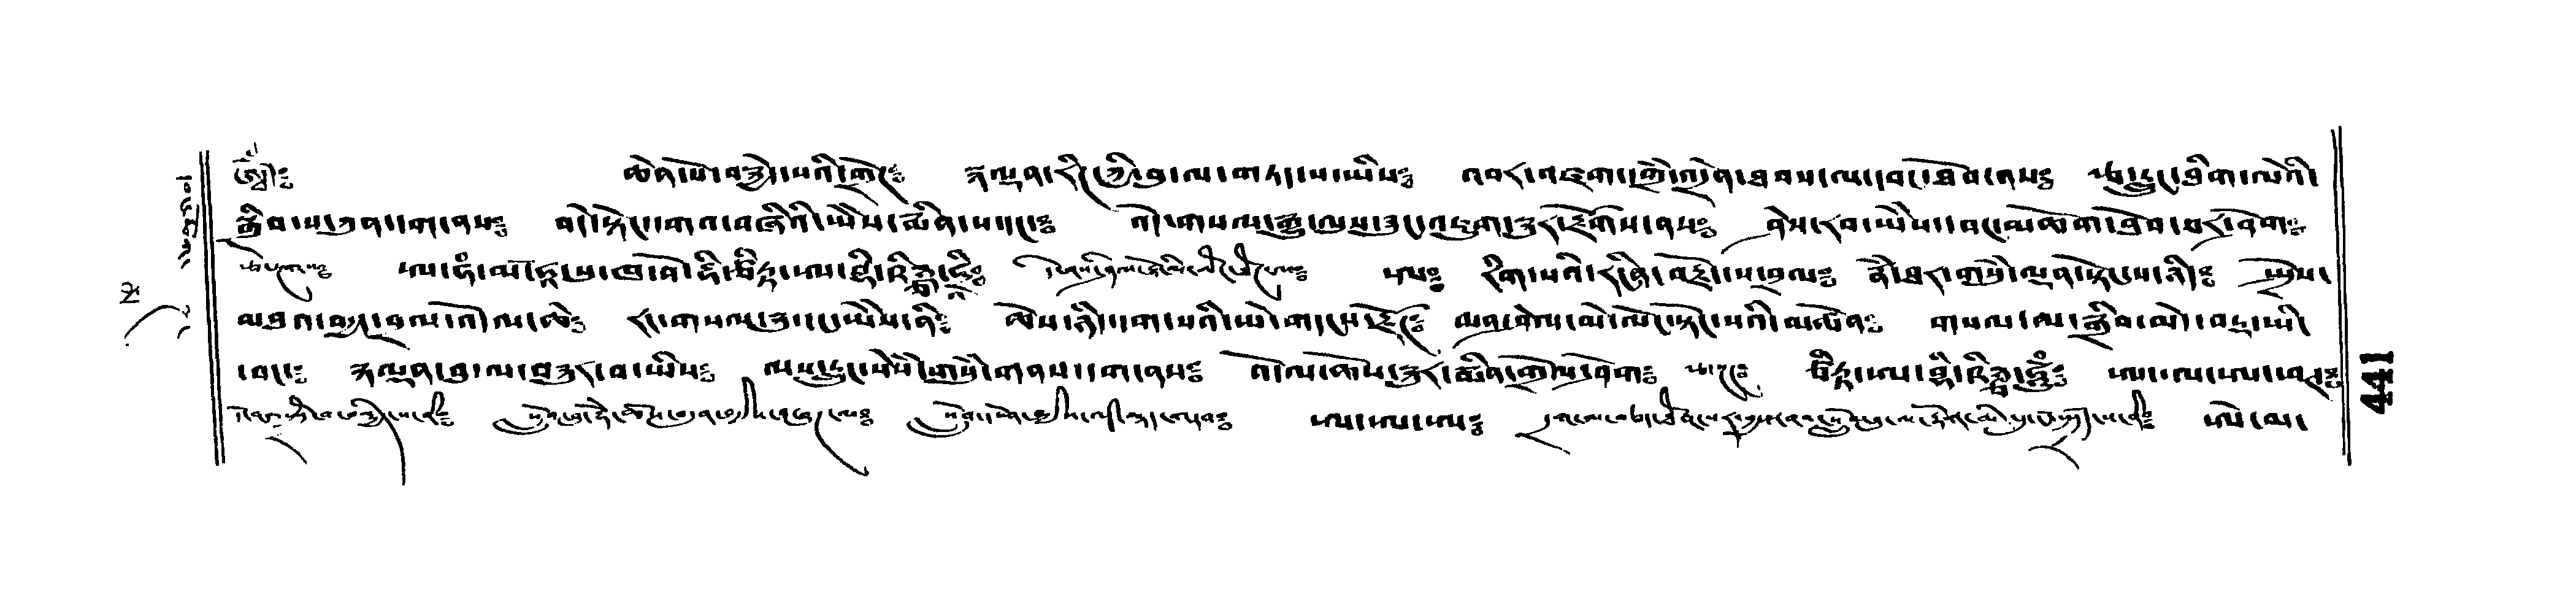ཆེན་པོ་བསྐྱེད་པའི་གྲོགས༔ སྐལ་ལྡན་རིགས་ཀྱི་བུ་ལ་གཏད་པ་ཡིས༔ འབར་འཛག་དགྲམ་འདྲེན་ཐབས་ལ་དབང་ཐོབ་ནས༔ རྩ་རླུང་ཐིག་ལེའི་
སྒྲིབ་པ་ཀུན་དག་ནས༔ བདེ་སྟོང་དགའ་བཞིའི་ཡེ་ཤེས་སྨིན་པ་དང༔ འོད་གསལ་སྒྱུ་ལུས་ཟུང་འཇུག་སྐུར་རྫོགས་ནས༔ ཤེས་རབ་ཡེ་ཤེས་དབང་མཆོག་ཐོབ་པར་ཤོག༔ 
རྩ་སྔགས༔ ཨ་ཧཾ་མ་ཧཱ་སུ་ཁ་བོ་དྷི་ཙིཏྟ་ཨ་བྷི་རིཉྩ་ཧྲཱིཿ དེ་ནས་ཤེལ་རྡོ་མེ་ལོང་ཐོགས་ལ༔ ཨཱཿ རིག་པའི་རང་བཞིན་བརྗོད་པ་བྲལ༔ རྣམ་ཐར་གསུམ་ལྡན་སྟོང་པ་ཉིད༔ སྤྲོས་
མཐའ་བརྒྱད་བྲལ་འོད་གསལ་ཆེ༔ རང་གསལ་སྐུ་དང་ཡེ་ཤེས་ནི༔ ཆོས་ཉིད་དག་པའི་ཡེ་གདངས་རྫོགས༔ མན་ཤེལ་མེ་ལོང་སྟོང་པའི་མཚོན༔ གསལ་ལ་སྒྲིབ་མེད་བརྡ་ཡི་
དབང༔ སྐལ་ལྡན་བུ་ལ་བསྐུར་བ་ཡིས༔ ལས་རླུང་སེམས་གསུམ་གནས་དག་ནས༔ འོད་གསལ་ཆོས་སྐུར་སྨིན་གྲོལ་ཤོག༔ རྩ་སྔགས༔ ཙིཏྟ་ཨ་བྷི་རིཉྩ་ཧཱུྃ༔ ཨ་ཨ་ཨ་ཕཊཿ 
དེ་ནས་སྤྲོ་བ་བསྐྱེད་པ་ནི༔ སློབ་བུ་རྡོ་རྗེ་ཆོས་བདུན་གྱིས་བཞུགས་ལ༔ སློབ་དཔོན་གྱིས་འདི་སྐད་གདབ༔ ཨ་ཨ་ཨཱཿ དྲག་མ་བཅད་ཐོན་པར་བྱ་གནས་སློབ་བུ་ལ་རྟོག་མེད་དུ་ངོ་སྤྲོད་པ་ནི༔ ཨེ་མ་